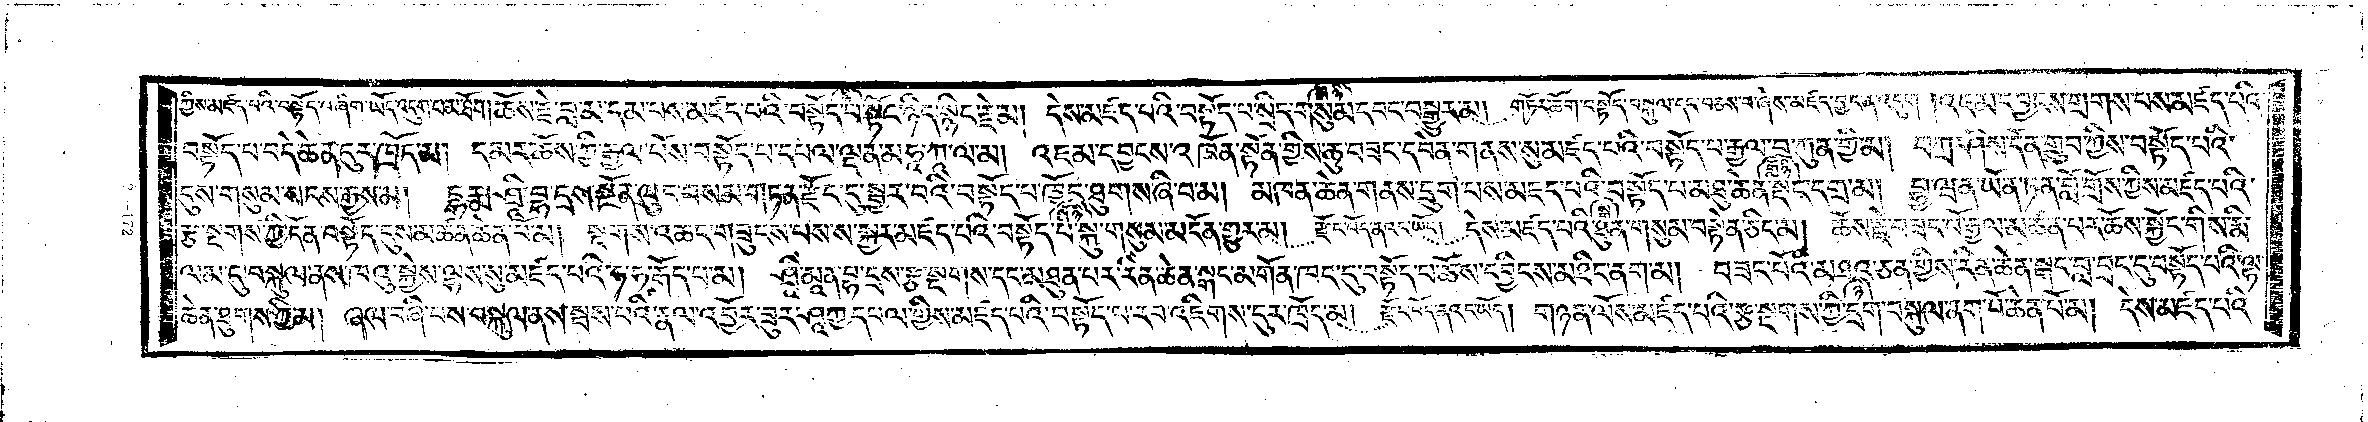ཀྱིས་མཛད་པའི་བསྟོད་པ་ཞིག་ཡོད་འདུག་བམ་ཐོབ། ཆོས་རྗེ་བླ་མ་དམ་པས་མཛད་པའི་བསྟོད་པ་སྟོང་ཉིད་སྙིང་རྗེ་མ། དེས་མཛད་པའི་བསྟོད་པ་སྲིད་གསུམ་དབང་བསྒྱུར་མ། གཏོར་ཆོག་བསྟོད་བསྐུལ་དང་བཅས་པ་ཞེས་མཛད་བྱང་ན་འདུག་།འཇམ་དབྱངས་གྲགས་པས་མཛད་པའི་
བསྟོད་པ་བདེ་ཆེན་དུར་ཁྲོད་མ། དམར་ཆོས་ཀྱི་རྒྱལ་པོས་བསྟོད་པ་དཔལ་ལྡན་མཧཱ་ཀཱ་ལ་མ། འཇམ་དབྱངས་འཁོན་སྟོན་གྱིས་ཆུ་བཟང་དབེན་གནས་སུ་མཛད་པའི་བསྟོད་པ་རྒྱལ་བ་ཀུན་གྱི་མ། བཀྲ་ཤིས་དོན་གྲུབ་ཀྱིས་བསྟོད་པའི་
དུས་གསུམ་སངས་རྒྱས་མ། དྷརྨ་ཤྲཱི་བྷ་དྲས་སྔོན་ལུང་བསམ་གཏན་རྫོང་དུ་སྦྱར་བའི་བསྟོད་པ་ཁྱོད་ཐུགས་ཞི་བ་མ། མཁན་ཆེན་གནས་དྲུག་པས་མཛད་པའི་བསྟོད་པ་མཐུ་ཆེན་སྡང་དགྲ་མ། བྷྱ་ཝན་ཡོན་ཏན་བློ་གྲོས་ཀྱིས་མཛད་པའི་
རྩ་སྔགས་ཀྱི་དོན་བསྟོད་དུས་མཚན་ཆེན་པོ་མ། སྔགས་འཆང་གཟུངས་པས་ས་སྐྱར་མཛད་པའི་བསྟོད་པ་སྐུ་གསུམ་མངོན་གྱུར་མ། རྫོང་པོད་ནའང་ཡོད།  དེས་མཛད་པའི་ཐུན་གསུམ་བསྟེན་ཅིང་མ། ཆོས་རྗེ་བཟང་པོ་རྒྱལ་མཚན་པར་ཆོས་སྐྱོང་གིས་རྨི་
ལམ་དུ་བསྐུལ་ནས་ཁའུ་སྐྱེས་ལྷས་སུ་མཛད་པའི་ཧ་ཧ་རྒོད་པ་མ། ཤྲཱི་མཱན་བྷ་དྲས་རྩ་སྔགས་དང་མཐུན་པར་རིན་ཆེན་སྒང་མགོན་ཁང་དུ་བསྟོད་པ་ཆོས་དབྱིངས་མཐིང་ནག་མ། བཟང་པོའི་མཐའ་ཅན་གྱིས་རིན་ཆེན་སྒང་བླ་བྲང་དུ་བསྟོད་པའི་ལྷ་
ཆེན་ཐུགས་ཀྱི་མ། ཞལ་བཞི་པས་བསྐུལ་ནས་སྦས་པའི་རྣལ་འབྱོར་ཟུར་ཤཱཀྱ་དཔལ་གྱིས་མཛད་པའི་བསྟོད་པ་རབ་འཇིགས་དུར་ཁྲོད་མ། རྫོང་པོད་ནའང་ཡོད།  གཉན་ལོས་མཛད་པའི་རྩ་སྔགས་ཀྱི་དྲག་བསྐུལ་ནག་པོ་ཆེན་པོ་མ། དེས་མཛད་པའི་